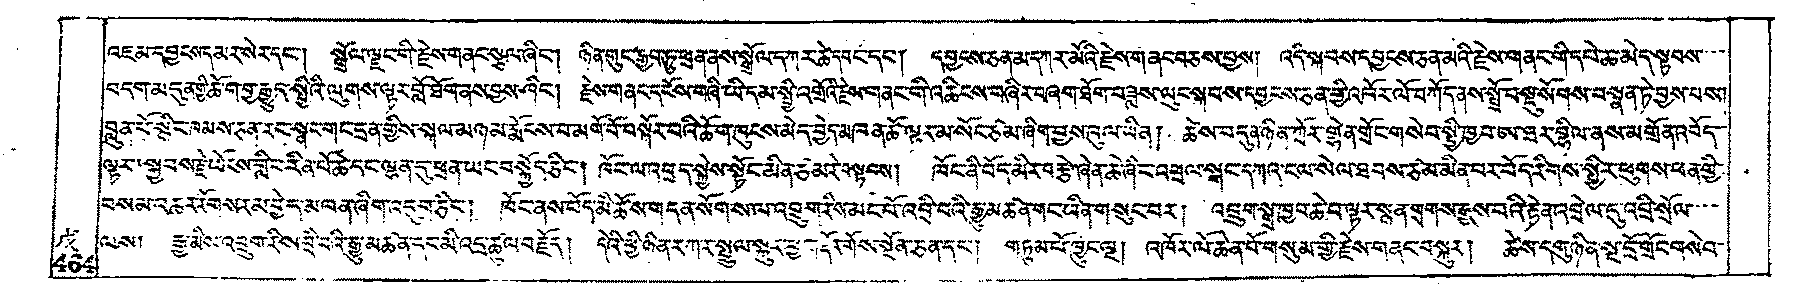འཇམ་དབྱངས་དམར་སེར་དང་། སྒྲོལ་ལྗང་གི་རྗེས་གནང་སྩལ་ཞིང་། ཉིན་གུང་རྒྱབ་ཏུ་ཕྲན་ནས་སྒྲོལ་དཀར་ཚེ་དབང་དང་། དབྱངས་ཅན་མ་དཀར་མོའི་རྗེས་གནང་བཅས་བྱས། འདི་སྐབས་དབྱངས་ཅན་མའི་རྗེས་གནང་གི་དཔེ་ཆ་མེད་སྟབས་
བདག་མདུན་གྱི་ཆོ་ག་བྱ་རྒྱུད་སྤྱིའི་ལུགས་ལྟར་བློ་ཐོག་ནས་བྱས་ཤིང་། རྗེས་གནང་དངོས་གཞི་ཡི་དམ་སྤྱི་འགྲོའི་རྗེས་གནང་གི་འཆིངས་གཞིར་བཞག་ཐོག་བཟླས་ལུང་སྐབས་དབྱངས་ཅན་གྱི་འཁོར་ལོ་བཀོད་ནས་སྤྲོ་བསྡུ་སོགས་བསྣན་ཏེ་བྱས་པས།
བླུན་པོ་སྙིང་ཁམས་ཅན་རང་སྣང་གང་དྲན་གྱིས་སྐལ་མཉམ་རྨོངས་པ་མགོ་བོ་བསྐོར་བའི་ཆོ་ག་ཁུངས་མེད་བྱེད་མཁན་ཚོ་ལྟར་མ་སོང་ཙམ་ཞིག་བྱས་ཁུལ་ཡིན། ཚེས་བདུན་ཉིན་ཀྲོར་གྷེན་གྲོང་གསེབ་སྤྱི་ཁྱབ་ཨ་ཐར་བྷིལ་ནས་མགྲོན་འབོད་
ལྟར་༧སྐྱབས་རྗེ་ཡོངས་གླིང་རིན་པོ་ཆེ་དང་ལྷན་དུ་ཕྲན་ཡང་བསྐྱོད་ཅིང་། ཁོང་ལ་འཕྲད་སྐྱེས་སྟོང་མིན་ཙམ་རེ་བསྟབས། ཁོང་ནི་བོད་མིར་བརྩེ་ཞེན་ཆེ་ཞིང་འཕྲལ་སྒང་དཀའ་ངལ་སེལ་ཐབས་ཙམ་མིན་པར་བོད་རིགས་སྤྱིར་ཕུགས་ཕན་གྱི་
བསམ་འཆར་རོགས་རམ་བྱེད་མཁན་ཞིག་འདུག་ཅིང་། ཁོང་ནས་བོད་མི་ཚོས་གདན་སོགས་ལ་འབྲུག་རིས་མང་པོ་འབྲི་བའི་རྒྱུ་མཚན་གང་ཡིན་གསུང་བར། འབྲུག་སྒྲ་ཁྱབ་ཆེ་བ་ལྟར་སྙན་གྲགས་རྒྱས་པའི་རྟེན་འབྲེལ་དུ་འབྲི་སྲོལ་
ལས། རྒྱ་མིས་འབྲུག་རིས་བྲི་བའི་རྒྱུ་མཚན་དང་མི་འདྲ་ཚུལ་བརྗོད། དེའི་ཕྱི་ཉིན་རཀ་ར་སྤྲུལ་སྐུར་ཕྱག་རྡོར་གོས་སྔོན་ཅན་དང་། གཏུམ་པོ་ཁྱུང་ལྔ། འཁོར་ལོ་ཆེན་པོ་གསུམ་གྱི་རྗེས་གནང་བསྐུར། ཚེས་དགུ་ཉིན་སྔ་དྲོ་གྲོང་གསེབ་